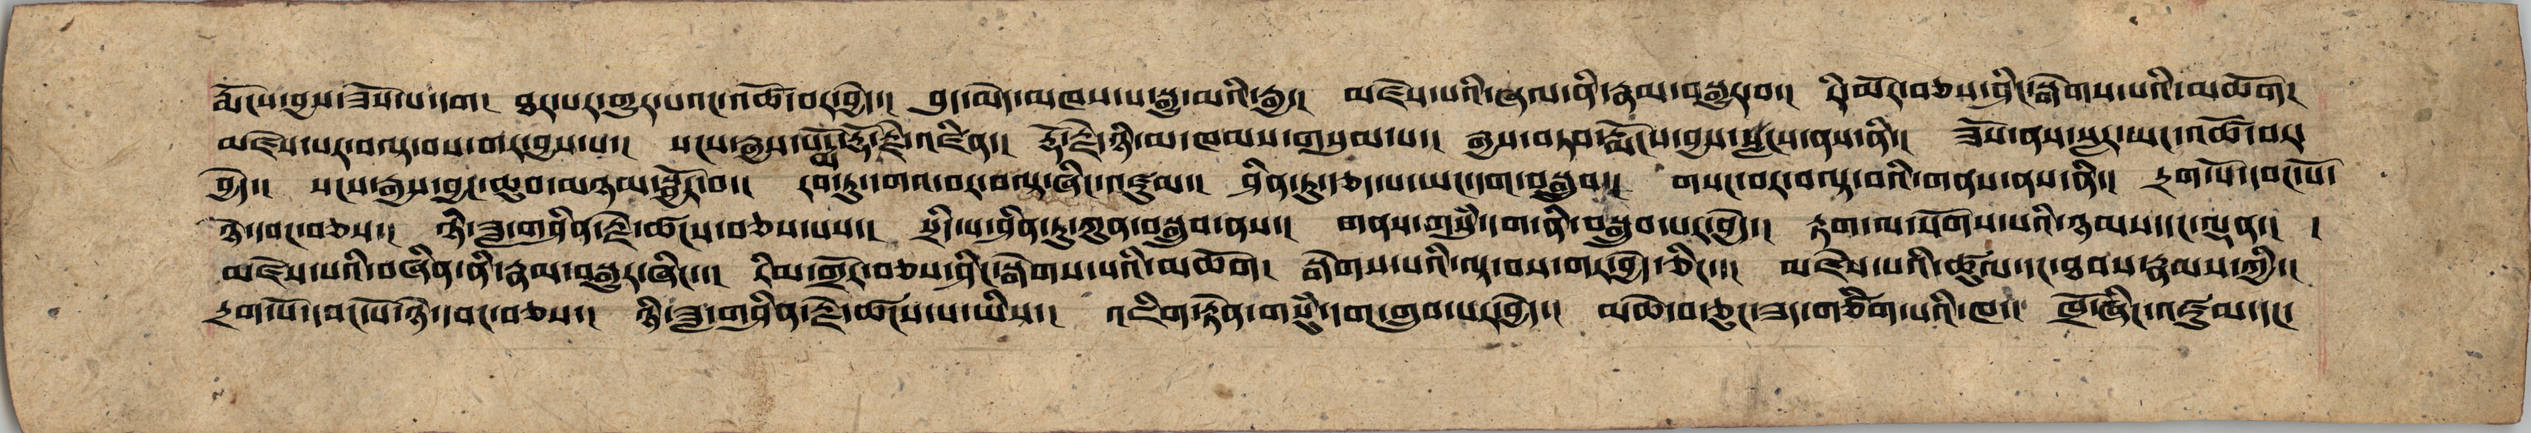རྨོངས་བྱས་ཟོས་པ་དག། ཐར་པར་གྱུར་པའང་འཚོ་བར་བྱེད་། བུད་མེད་མཁས་པ་སྒྱུ་མའི་རྒྱ་། མཛེས་པའི་ཞལ་ནི་རྣམ་བསྒྱུར་བ་། རི་མོར་བཅས་ཤིང་སྒེགས་པའི་མཆོག།
མཛེས་པར་བལྟ་བས་གར་བྱས་པ་། སངས་རྒྱས་པདྨོ་རྡོ་རྗེ་འཛིན་། རྡོ་རྗེ་ཉི་མ་ཁམས་གསུམ་པ་། རྒྱས་བཏབ་རྨོངས་བྱས་སླངས་ནས་ནི་། ཟོས་ནས་སླར་ཡང་འཚོ་བར་
བྱེད་། སངས་རྒྱས་བྱང་ཆུབ་མཉམ་སྦྱོར་བ་། རབ་ཏུ་དགའ་བར་བལྟ་ཞིང་འཛུམ་། ཤིན་ཏུ་རྩད་པ་ཡང་དག་བསྒྲུབ་། གསང་བར་བལྟ་བའི་གནས་ནས་ནི་། དྲག་པོ་དབང་པོ
ཉེ་དབང་བཅས་། ཉི་ཟླ་གཤིན་རྗེ་ཚངས་བཅས་པས་། སྲིད་པ་ཤིན་ཏུ་ཀུན་བསྒྲུབ་ནས་། གནས་གསུཾ་དག་ནི་བསྒྲུབ་པར་བྱེད་། རྟག་ལ་སོགས་པའི་ཉམས་དང་ལྡན་།
མཛེས་པའི་བཞིན་ནི་རྣམ་བསྒྱུར་ཞིང་་། རིམ་གྲོར་བཅས་ཤིང་སྒེགས་པའི་མཆོག། སྒེགས་པའི་ལྟ་བས་གར་བྱེད་ཅིང་་། མཛེས་པའི་ཚུལ་དང་ཐབས་རྣམས་ཀྱི་།
དྲག་པོ་དབང་པོ་ཉེ་དབང་བཅས་། ཉི་ཟླ་གཤིན་རྗེ་ཚངས་པ་ཡིས་། འཇིག་རྟེན་གསུཾ་དག་གྲུབ་པར་བྱེད་། མཆེ་བ་ཅུང་ཟང་གཙིག་པའི་ཁ་། ཁྲོ་ཞིང་འཛུམ་དང་